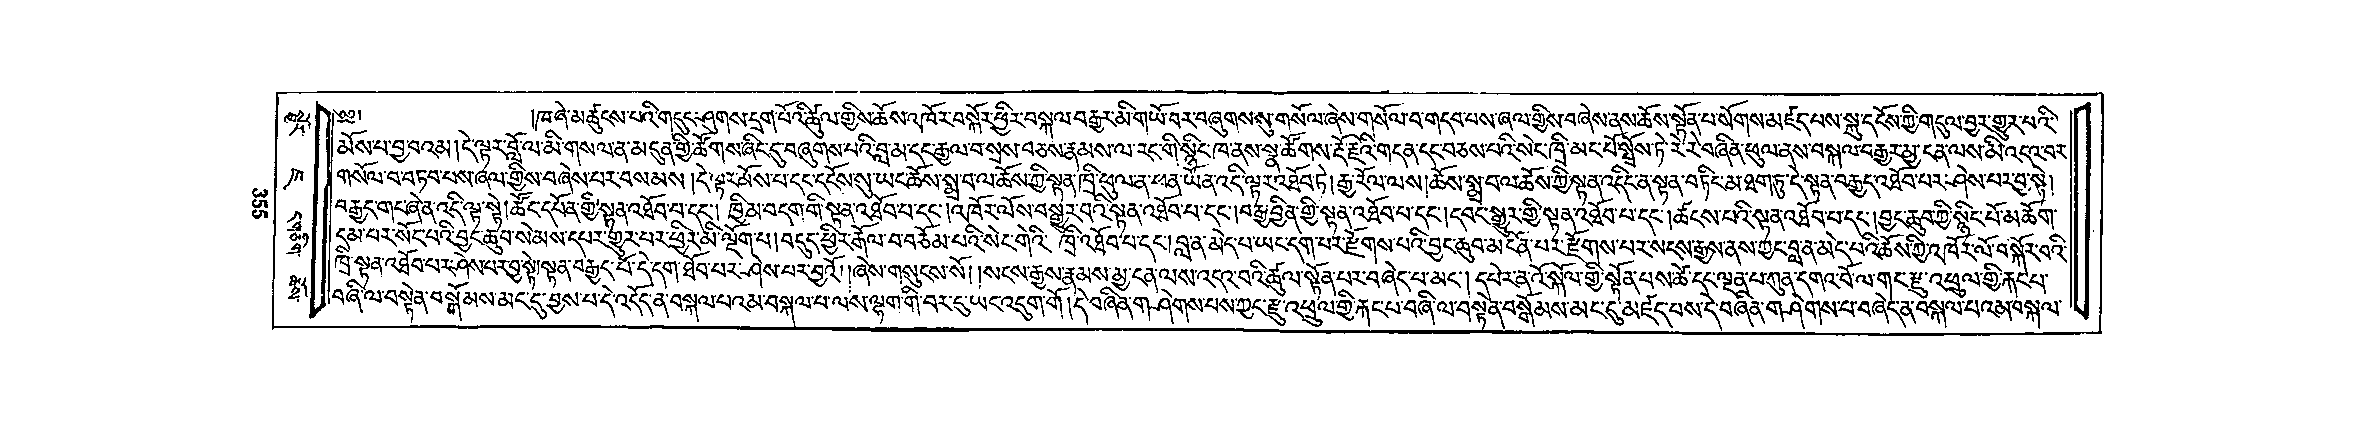༄༅། །ཁ་ཞེ་མཚུངས་པའི་གདུང་ཤུགས་དྲག་པོའི་ཚུལ་གྱིས་ཆོས་འཁོར་བསྐོར་ཕྱིར་བསྐལ་བརྒྱར་མི་གཡོ་བར་བཞུགས་སུ་གསོལ་ཞེས་གསོལ་བ་གདབ་པས་ཞལ་གྱིས་བཞེས་ནས་ཆོས་སྟོན་པ་སོགས་མཛད་པས་སྐུ་དངོས་ཀྱི་གདུལ་བྱར་གྱུར་པའི་
མོས་པ་བྱ་བའམ། དེ་ལྟར་བློ་ལ་མི་གསལ་ན་མདུན་གྱི་ཚོགས་ཞིང་དུ་བཞུགས་པའི་བླ་མ་དང་རྒྱལ་བ་སྲས་བཅས་རྣམས་ལ་རང་གི་སྙིང་ཁ་ནས་སྣ་ཚོགས་རྡོ་རྗེའི་གདན་དང་བཅས་པའི་སེང་ཁྲི་མང་པོ་སྤྲོས་ཏེ་རེ་རེ་བཞིན་ཕུལ་ནས་བསྐལ་བརྒྱར་མྱ་ངན་ལས་མི་འདའ་བར་
གསོལ་བ་བཏབ་པས་ཞལ་གྱིས་བཞེས་པར་བསམས། དེ་ལྟར་མོས་པ་དང་དངོས་སུ་ཡང་ཆོས་སྨྲ་བ་ལ་ཆོས་ཀྱི་སྟན་ཁྲི་ཕུལ་ན་ཕན་ཡོན་འདི་ལྟར་འཐོབ་ཏེ། རྒྱ་རོལ་ལས། ཆོས་སྨྲ་བ་ལ་ཆོས་ཀྱི་སྟན་འདིང་ན་སྟན་བཏིང་མ་ཐག་ཏུ་དེ་སྟན་བརྒྱད་འཐོབ་པར་ཤེས་པར་བྱ་སྟེ།
བརྒྱད་གང་ཞེ་ན་འདི་ལྟ་སྟེ། ཚོང་དཔོན་གྱི་སྟན་འཐོབ་པ་དང་། ཁྱིམ་བདག་གི་སྟན་འཐོབ་པ་དང་། འཁོར་ལོས་བསྒྱུར་བའི་སྟན་འཐོབ་པ་དང་། བརྒྱ་བྱིན་གྱི་སྟན་འཐོབ་པ་དང་། དབང་སྒྱུར་གྱི་སྟན་འཐོབ་པ་དང་། ཚངས་པའི་སྟན་འཐོབ་པ་དང་། བྱང་ཆུབ་ཀྱི་སྙིང་པོ་མཆོག་
དམ་པར་སོང་པའི་བྱང་ཆུབ་སེམས་དཔར་གྱུར་པར་ཕྱིར་མི་ལྡོག་པ། བདུད་ཕྱིར་རྒོལ་བ་བཅོམ་པའི་སེང་གེའི་ཁྲི་འཐོབ་པ་དང་། བླ་ན་མེད་པ་ཡང་དག་པར་རྫོགས་པའི་བྱང་ཆུབ་མངོན་པར་རྫོགས་པར་སངས་རྒྱས་ནས་ཀྱང་བླ་ན་མེད་པའི་ཆོས་ཀྱི་འཁོར་ལོ་བསྐོར་བའི་
ཁྲི་སྟན་འཐོབ་པར་ཤེས་པར་བྱ་སྟེ། སྟན་བརྒྱད་པོ་དེ་དག་ཐོབ་པར་ཤེས་པར་བྱའོ། །ཞེས་གསུངས་སོ། །སངས་རྒྱས་རྣམས་མྱ་ངན་ལས་འདའ་བའི་ཚུལ་སྟོན་པར་བཞེད་པ་མང་། དཔེར་ན་འོ་སྐོལ་གྱི་སྟོན་པས་ཚེ་དང་ལྡན་པ་ཀུན་དགའ་བོ་ལ་གང་རྫུ་འཕྲུལ་གྱི་རྐང་པ་
བཞི་ལ་བསྟེན་བསྒོམས་མང་དུ་བྱས་པ་དེ་འདོད་ན་བསྐལ་པའམ་བསྐལ་པ་ལས་ལྷག་གི་བར་དུ་ཡང་འདུག་གོ །དེ་བཞིན་གཤེགས་པས་ཀྱང་རྫུ་འཕྲུལ་གྱི་རྐང་པ་བཞི་ལ་བསྟེན་བསྒོམས་མང་དུ་མཛད་པས་དེ་བཞིན་གཤེགས་པ་བཞེད་ན་བསྐལ་པའམ་བསྐལ་